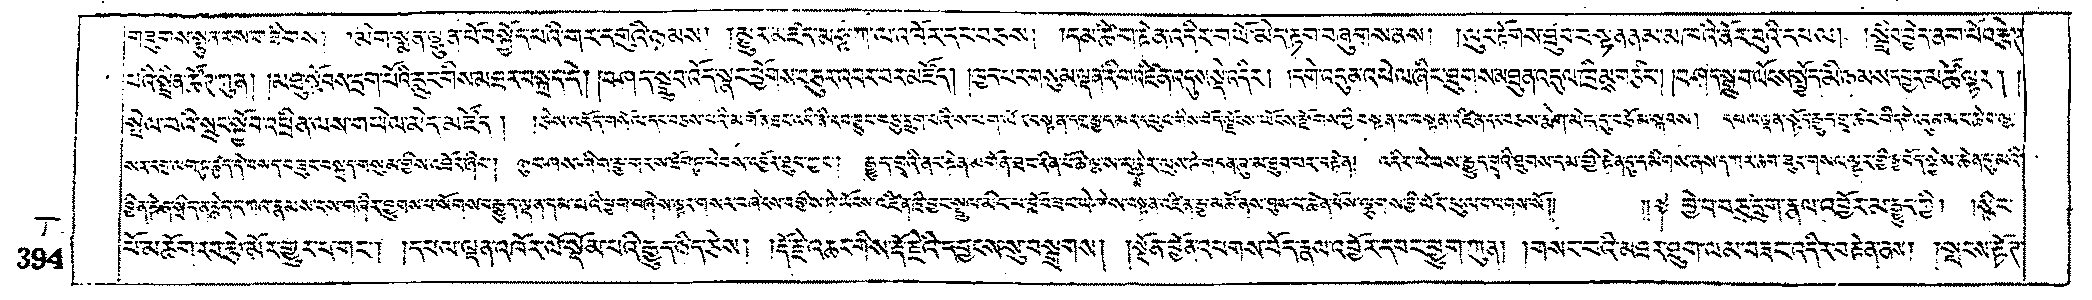གཟུགས་སྤྱན་རས་གཟིགས། །མིག་སྨན་ལྷུན་པོ་བསྐྱོད་པའི་གར་དགུའི་ཉམས། །མྱུར་མཛད་མཧཱ་ཀ་ལ་འཁོར་དང་བཅས། །དམ་ཚིག་རྟེན་འདིར་གཡོ་མེད་རྟག་བཞུགས་ནས། །ལུང་རྟོགས་ཐུབ་བསྟན་ནམ་མཁའི་ནོར་བུའི་དཔལ། །སྒྲིབ་བྱེད་ནག་པོ་བརྩེཌ་
པའི་སྤྲིན་ཚོཌ་ཀུན། །མཐུ་སྟོབས་དྲག་པོའི་རླུང་གིས་མཐར་བསྐྲད་དེ། །བཤད་སྒྲུབ་འོད་སྣང་ཕྱོགས་བཅུར་འབར་བར་མཛོད། །ཁྱད་པར་གསུམ་ལྡན་རིག་འཛིན་འདུས་སྡེ་འདིར། །དགེ་འདུན་འཕེལ་ཞིང་ཐུགས་མཐུན་འདུལ་ཁྲིམས་གཙང་། །བཤད་སྒྲུབ་ལོངས་སྤྱོད་མི་ཉམས་དབྱར་མཚོ་ལྟར། །
སྤེལ་བའི་སྲུང་སྐྱོབ་འཕྲིན་ལས་གཡེལ་མེད་མཛོད། །ཅེས་འདོད་གསོལ་དང་བཅས་པའི་མགོན་ཐང་འདི་ནི་རབ་བྱུང་བཅུ་དྲུག་པའི་ས་ཕག་ལོར་བསྟན་དགྲ་རྒྱ་དམར་དཔུང་གིས་བོད་ལྗོངས་ཡོངས་རྫོགས་ཀྱི་བསྟན་པ་བསྟན་འཛིན་དང་བཅས་རྨེག་མེད་དུ་བཅོམ་སྐབས། དཔལ་ལྡན་སྟོད་རྒྱུད྾་གྲྭ་ཆེང་གི་དགེ་འདུན་མང་ཆེ་བ་ལྷ་
སར་དགྲ་ལག་ཏུ་ཚུད་དེ་བསད་བཟུང་བསྐྲད་གསུམ་གྱིས་འཐོར་ཞིང་། ཉུང་ཤས་ཤིག་རྒྱ་གར་ས་ཐོག་ཏུ་ཕེབས་འབྱོར་ཐུབ་ཀྱང་། རྒྱུད་གྲྭའི་ནང་རྟེན་མགོན་ཐང་རིན་པོ་ཆེ་ལྷ་ས་རྭ་མོ་ཆེར་ལུས་ཏེ་གདན་ཞུ་མ་ཐུབ་པར་བརྟེན། འདིར་ཕེབས་རྒྱུད་གྲྭའི་ཐུགས་དམ་གྱི་རྟེན་དུ་དམིགས་ནས་དཀར་ཆག་ཟུར་གསལ་ལྟར་གྱི་རགཡ་བོད་སྐྱེས་ཆེན་དུ་མའི་
བྱིན་རྟེན་སྲིད་ན་རྙེད་དཀའ་རྣམས་རས་གཞིར་བྱུགས་པ་སོགས་བརྒྱུད་ལྡན་དམ་པའི་ཕྱག་བཞེས་ལྟར་གསར་བཞེངས་བགྱིས་ཏེ་ཡོངས་འཛིན་ཁྲི་བྱང་སྤྲུལ་མིང་པ་བློ་བཟང་ཡེ་ཤེས་བསྟན་འཛིན་རྒྱ་མཚོ་ནས་གུས་པ་ཆེན་པོས་ལྕགས་བྱི་ལོར་ཕུལ་བ་ལགས་སོ།། །།འ་བྱེ་བ་བཅུ་དྲུག་རྣལ་འབྱོར་མ་རྒྱུད་ཀྱི། །སྙིང་
པོ་མཆོག་རབ་རྩེ་མོར་གྱུར་པ་གང་། །དཔལ་ལྡན་འཁོར་ལོ་སྡོམ་པའི་རྒྱུད་ཉིད་ཅེས། །རྡོ་རྗེ་འཆང་གིས་རྡོ་རྗེའི་དབྱངས་སུ་བསྒྲགས། །སྔོན་བྱོན་འཕགས་བོད་རྣལ་འབྱོར་དབང་ཕྱུག་ཀུན། །གསང་བའི་མཐར་ཐུག་ལམ་བཟང་འདིར་བརྟེན་ནས། །སྤངས་རྟོཌ་